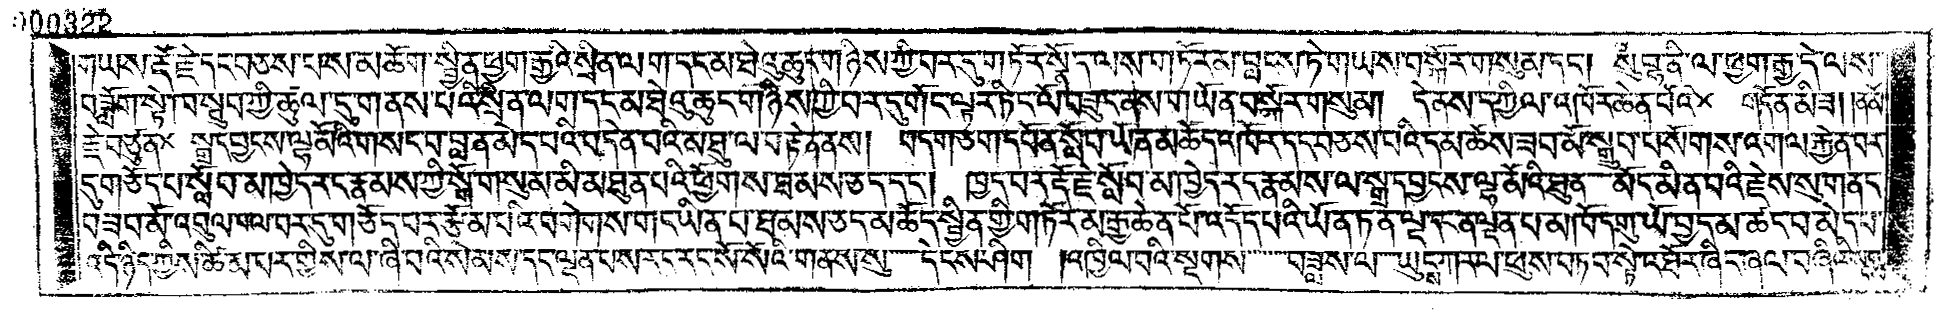གཡས་རྡོ་རྗེ་དང་བཅས་པས་མཆོག་སྦྱིན་ཕྱག་རྒྱའི་སྲིན་ལག་དང་མཐེའུ་ཆུང་གཉིས་ཀྱི་བར་དུ་གཏོར་སྣོད་ལས་གཏོར་མ་བླངས་ཏེ་གཡས་བསྐོར་གསུམ་དང་། སུཾ་བྷ་ནི་ལ་ཕྱག་རྒྱ་དེ་ལས་
བཟློག་སྟེ་ཁ་སྦུབ་ཀྱི་ཚུལ་དུ་གནས་པའི་སྲིན་ལག་དང་མཐེའུ་ཆུང་གཉིས་ཀྱི་བར་དུ་གོང་ལྟར་ཏིང་ལོ་བཟུང་ནས་གཡོན་བསྐོར་གསུམ། དེ་ནས་དཀྱིལ་འཁོར་ཆེན་པོའི྾་གདོན་མི་ཟ། །ན་མོ་
རྗེ་བཙུན྾་སྒྲ་དབྱངས་ལྷ་མོའི་གསང་བ་བླ་ན་མེད་པའི་བདེན་པའི་མཐུ་ལ་བརྟེན་ནས། བདག་ཅག་དཔོན་སློབ་ཡོན་མཆོད་འཁོར་དང་བཅས་པའི་དམ་ཆོས་ཟབ་མོ་སྒྲུབ་པ་སོགས་འགལ་རྐྱེན་བར་
དུ་གཅོད་པ་སློབ་མ་ཁྱེད་རང་རྣམས་ཀྱི་སྒོ་གསུམ་མི་མཐུན་པའི་ཕྱོགས་ཐམས་ཅད་དང་། ཁྱད་པར་རྡོ་རྗེ་སློབ་མ་ཁྱེད་རང་རྣམས་ལ་སྒྲ་དབྱངས་ལྷ་མོའི་ཐུན་མོང་མིན་པའི་རྗེས་སུ་གནང་
བཟབ་མོ་འབུལ་པ་ལ་བར་དུ་གཅོད་པར་རྩོམ་པའི་བགེགས་གང་ཡིན་པ་ཐམས་ཅད་མཆོད་སྦྱིན་གྱི་གཏོར་མ་རྒྱ་ཆེན་པོ་འདོད་པའི་ཡོན་ཏན་ལྔ་དང་ན་ལྡན་པ་མཁོ་དགུ་ཡོ་བྱད་མ་ཚང་བ་མེད་པ་
འདི་ཉིད་ཀྱིས་ཚིམ་པར་གྱིས་ལ་ཞི་བའི་སེམས་དང་ལྡན་པས་རང་རང་སོ་སོའི་གནས་སུ་དེངས་ཤིག །འཁྱིལ་བའི་སྔགས་བཟླས་ལ་ཡུངས་ཀར་ལ་ཕུས་བཏབ་སྟེ་འཐོར་ཞིང་ཞལ་བཞིའི་སྔགས་